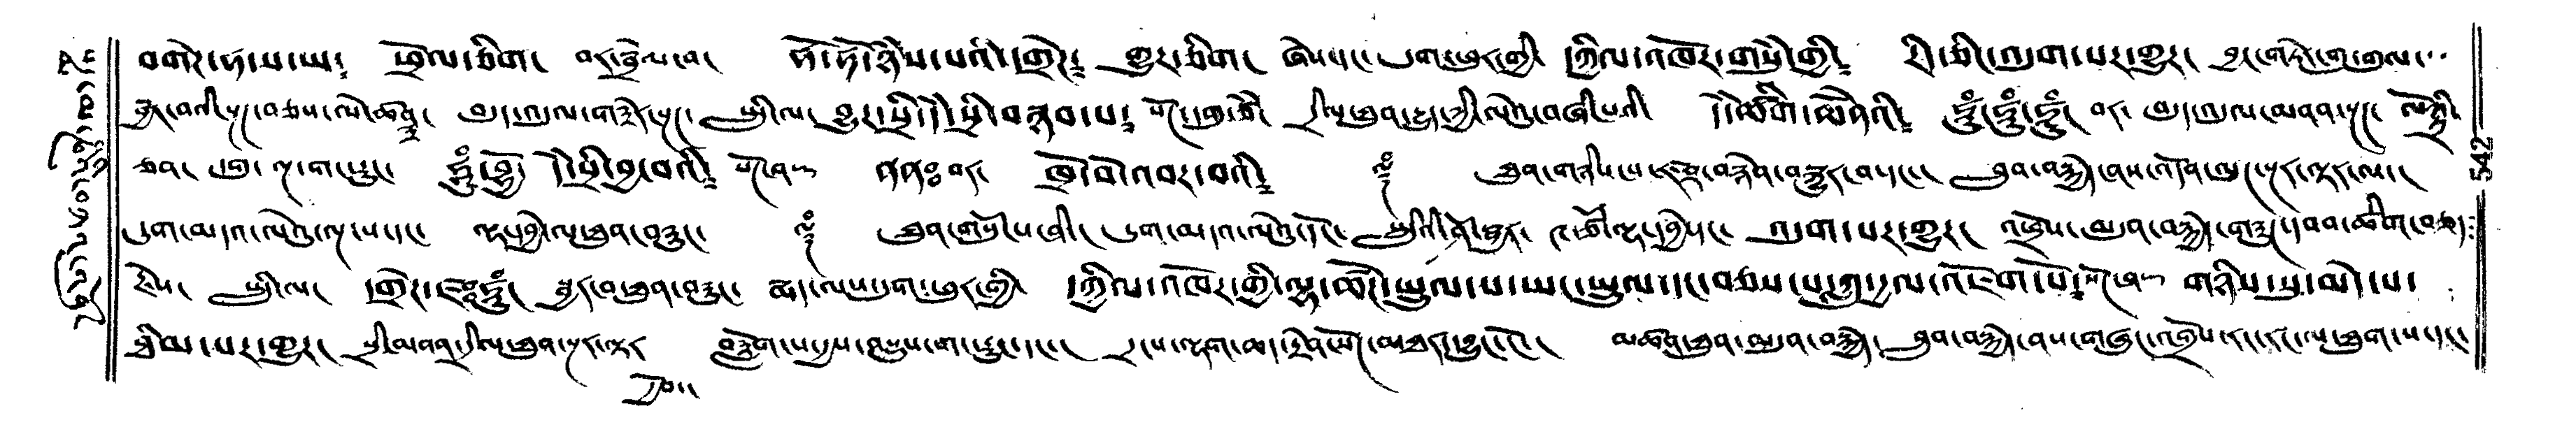བགེགས་ཧ་ས་ཡ༴ ཕྲོལ་ཅིག བར་སྦྲེལ་བ། ཧོ་ཧོ་ཉམས་པའི་དགྲ་བགེགས༴ གྱུར་ཅིག ཞེས་དང་། དུག་ཕུར་གྱི། དཀྱིལ་འཁོར་གསུམ་གྱི༴ རིང་ཅིང་འདུག་པར་གྱུར། བྱང་གཏེར་གུ་གུལ་
སྦྱར་བའི་སྔགས་བཅས་ལེ་ཚན་གསུམ། བདུད་འདུལ་གཟེར་སྔགས། སྤུ་གྲི་ལ། བྱུར་སྲི་དམ་སྲི་བསྙབ་པ༴ སོགས་དགུ་ཙམ། དྲིལ་ཐུན་རྒྱུད་ཀྱི་ལེའུ་བཞི་པའི། དམ་ཚིག་ཆེན་པོའི༴ ཧཱུྃ་ཧཱུྃ་ཧཱུྃ། བར། བདུད་འདུལ་མནན་སྔགས། ལོཀྟྲི་
ཅན། དགུ་ལྔ་གང་རུང་། ཧཱུྃ་བྷྱོ༔ དམ་སྲི་བྱ་བའི༴ སོགས་ནས། ནན༔ བར། ཁྲོ་བོ་འབར་བའི༴ ༈ ཐུན་གཉིས་པ་ཛབྡ་བསྙེན་བསྐྱུར་བ་དང་། བྲུབ་བསྐྱེད་ནས་འདོན་ལུགས་སྔར་ལྟར་ལ། 
དུག་མདའ་ལེའུ་ལྔ་པ་དང་། ལྷ་དབྱེ་ལ་ཐུན་གཟུང་། ༈ ཐུན་གསུམ་པ་ནི། དུག་མདའ་ལེའུ་དང་པོ། སྤུ་གྲིའི་གཤམ་སྦྱར། དགུ་ཙམ་ལྷ་དབྱེ་དང་། འདུག་པར་གྱུར། འཕྲོས། མདུན་བསྐྱེད་གཟུགས་དབབ་ཚིགས་བཅད་
རྗེས། སྤུ་གྲི་ལ། དགྲ་བགེགས་ཛཿཧཱུྃ༔ སྦྱར་བ་ཐུན་གཟུང་། སྨད་ལས་དུག་ཕུར་གྱི། དཀྱིལ་འཁོར་གྱི་ལྷ་ཚོགས་སྤྲུལ་པ་ཡང་སྤྲུལ་དང་བཅས་པ་ཀླུ་རྒྱལ་འཇོག་པོ༴ སོགས་ནས། གཉིས་སུ་མེད་པ་
ཐིམ་པར་གྱུར། སྲི་མནན་དྲིལ་ཐུན་སྔར་ལྟར་རྒྱོབ།བཟློག་པ་རྒྱས་བསྡུས་གང་རུང་དང་། དྲངས་ལྷག་ཆད་བརྟན་སོགས་མཐར་དབྱུང་ངོ། མཚན་ཐུན་མདུན་བསྐྱེད། བྲུབ་བསྐྱེད་ནས་གཞུང་འགྲོས་རང་རང་ལ་ཐུག་པ་དང་